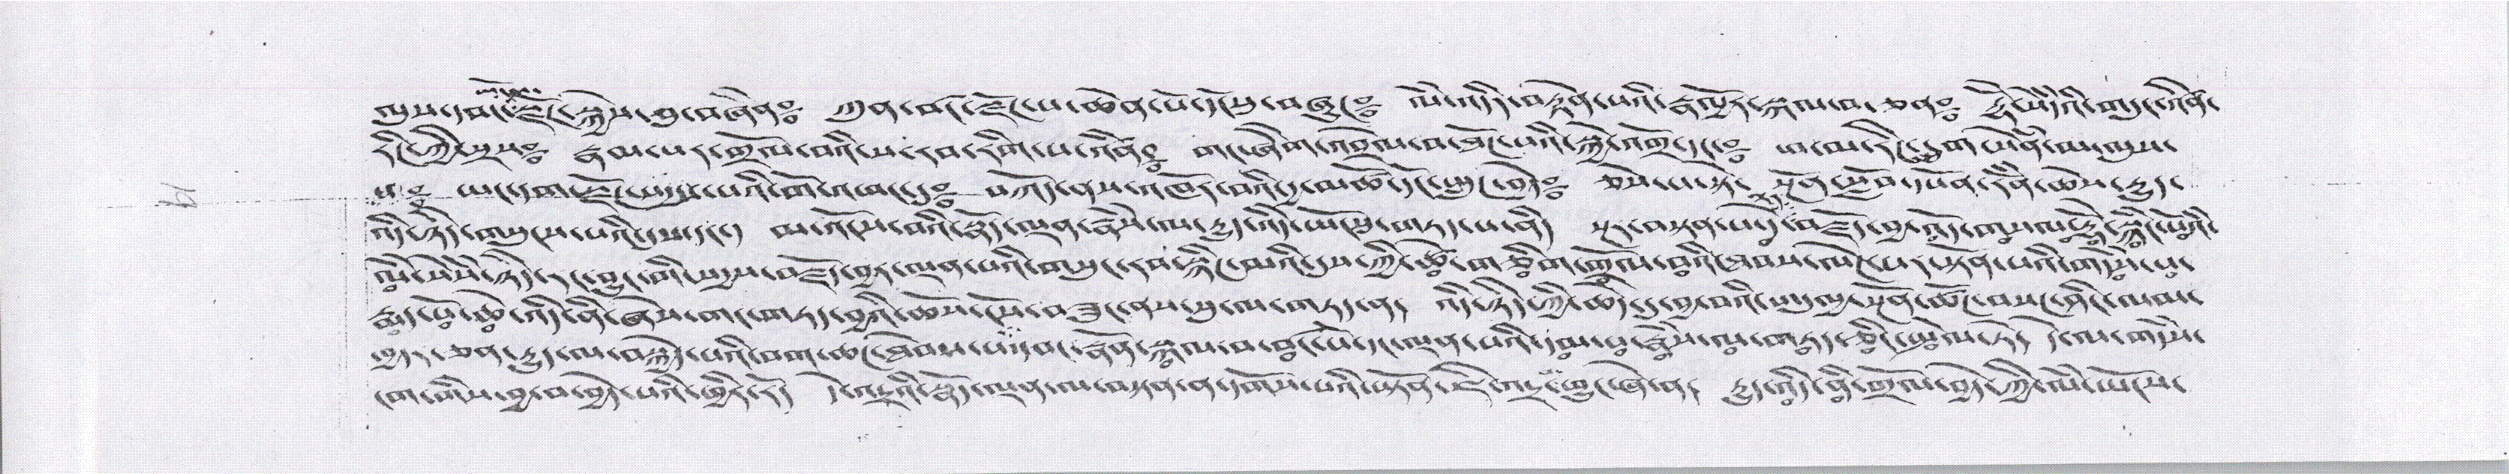ལུས་དབང་ཡོིངས་རྫོགས་སྐྱེས་བུ་བཞིནཿ ཀུན་བཟང་རྫོགས་པ་ཆེན་པོ་དངོས་སུ་བཞུགསཿ ལམ་འདིར་བརྟེན་པའི་རྣལ་འབྱོར་སྐལ་པ་ཅནཿ རྡོ་རྗེ་སེམས་དཔའི་གདུང་འཛིན་
རིགས་ཀྱི་སྲསཿ རྣམ་པར་གྲོལ་བའི་ས་རབ་རིག་པ་འཛིནཿ གང་ཞིག་འབྲེལ་བ་ཐོགས་པའི་སྐྱེ་འགྲོ་དངཿ ཕ་མ་རིགས་དྲུག་སེམས་ཅན་མ་ལུས་
པཿ ཡང་དག་རྫོགས་སངས་རྒྱས་པའི་གོ་འཕང་དུཿ བཀོད་ནས་འཁོར་བའི་རྒྱ་མཚོ་དོང་སྤྲུགས་བྱེདཿ ཅེས་པ་སྟེ། སྔོན་སློབ་དཔོན་རིན་པོ་ཆེས་རྒྱུད་
འདི་ཉིད་གསུངས་པའི་དུས་དང་། མ་འོངས་པའི་སྣོད་ལྡན་རྣམས་ལ་རྒྱུད་འདི་ཡོིངས་སུ་གཏད་པ་ནི། སྔར་བསྟན་པ་དེ་ལྟར་བརྗོད་བྱ་འོད་གསལ་རྡོ་རྗེ་སྙིང་པོའི་
ལམ་སེམས་ཉིད་རང་བྱུང་གི་སངས་རྒྱས་བརྗོད་བྱར་ལྡན་པའི་གསུང་རབ་སྙིགས་མའི་དུས་ཀྱི་ཚེ་གཅིག་གྲོལ་བའི་ཐབས་ལེགས་པར་སྟོན་པའི་གདམས་པ་
རྨད་པོ་ཆེ་འདི་ནི་ཞེས་གང་གཏད་བྱའི་ཆོས་ངོས་བཟུང་ནས་སུ་ལ་གཏད་ན། འདི་ཉིད་ཀྱི་ཆེད་དུ་བྱ་བའི་གདུལ་བྱ་སྔོན་ཚོགས་བསགས་ཤིང་ལམ་
ཁྱད་པར་ཅན་རྒྱུད་ལ་བསྐྱེད་པའི་བག་ཆགས་ཐེབས་པ་དབང་རྣོན་སྐལ་པ་བཟང་པོ་དང་ལྡན་པའི་དམ་པ་རྣམས་ལ་གཏད་ཅིང་སྤེལ་ཏེ། དེ་ལ་གདམས་
ངག་གིས་བྱ་བ་བྱེད་པའི་ཕྱིར་རོ། དེ་འདྲའི་སྣོད་ལྡན་ལ་བསྟན་ན་དགོས་པའི་ཡོན་ཏན་ཇི་འདྲ་འབྱུང་ཞེ་ན། རྒྱུད་འདི་ནི་གྲོལ་བྱེད་ཀྱི་ལམ་ཡོངས་